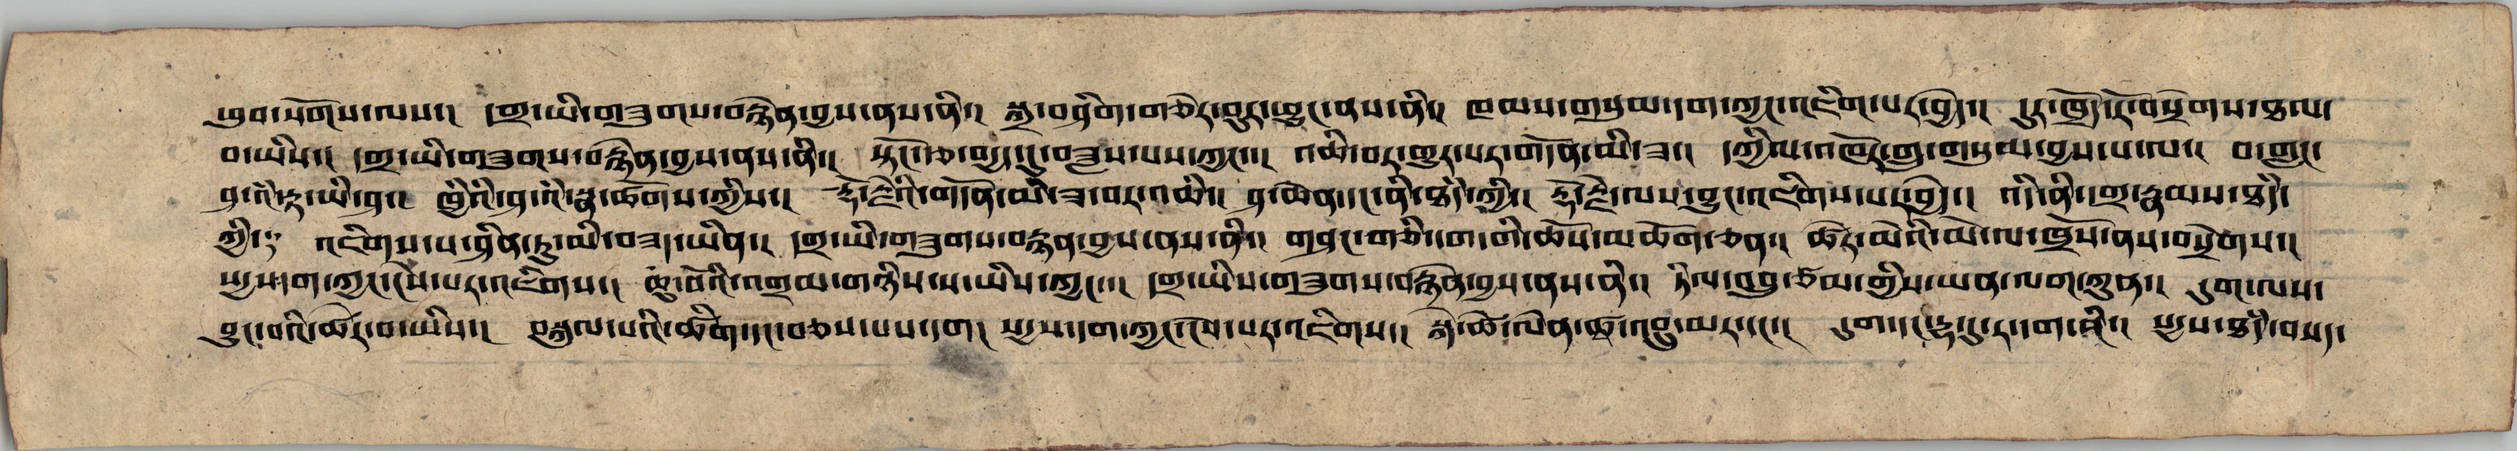ཕུབ་སོགས་ལས་། དགྲ་ཡི་གཟུགས་བརྙེན་བྱས་ནས་ནི་། སྐྲ་བཤིག་གཅེར་བུར་ཕྱུང་ནས་ནི་། ཁམས་གསུམ་དག་ཀྱང་འཇིག་པར་བྱེད་། དུར་ཁྲོད་རོ་བསྲེགས་ཐལ་
བ་ཡིས་། དགྲ་ཡི་གཟུགས་བརྙེན་བྱས་ནས་ནི་། སྟོང་རྩ་བདྱད་དུ་བཟླས་པས་ཀྱང་་། འཆི་བར་གྱུར་པར་གདོན་མི་ཟ་། དཀྱིལ་འཁོར་གྲུ་གསུམ་བྱས་པ་ལ་། བ་གླང་
ཤ་འཾ་རྟ་ཡི་ཤ་། ཁྱིའི་ཤ་འཾ་སྣ་ཚོགས་ཀྱིས་། རྡོ་རྗེའི་གདོན་མི་ཟ་བར་འཆི་། ཤ་ཆེན་དང་ནི་ཐཾད་ཀྱི་། རྡོ་རྗེ་ལས་བྱུང་འཇིགས་པར་བྱེད་། འདི་ནི་དགྲ་རྣམས་ཐཾད་
ཀྱི༑ འཇིགས་པ་ཤིན་ཏུ་མི་བཟད་ཡིན་། དགྲ་ཡི་གཟུགས་བརྙན་བྱས་ནས་ནི་། གཤང་གཅི་ངག་གི་ཆོས་མཆོག་ཅན་། ཚེར་མེའི་མེ་ལ་ཁྲོས་ནས་བསྲེགས་།
སདྱས་དག་ཀྱང་ངེས་པར་འཇིགས་། ཆུ་བོའི་འགྲམ་གཉིས་ས་ཡིས་ཀྱང་་། དགྲ་ཡིས་གཟུགས་བརྙེན་བྱས་ནས་ནི་། ཏིལ་འབྲུ་ཙམ་གྱིས་ཡན་ལག་ཀུན་། དུག་ལས་
བྱུང་བའི་ཚར་བ་ཡིས་། བསྐུལ་པའི་ཚིག་དང་བཅས་པས་དག། སདྱས་དག་ཀྱང་ངེས་པར་འཇིགས་། སྐེ་ཚེ་ལེན་ཚྭ་འབྲུ་མར་དང་། དུག་དང་དྷ་དུ་ར་དག་ནི་། སདྱས་ཐཾད་བསད་